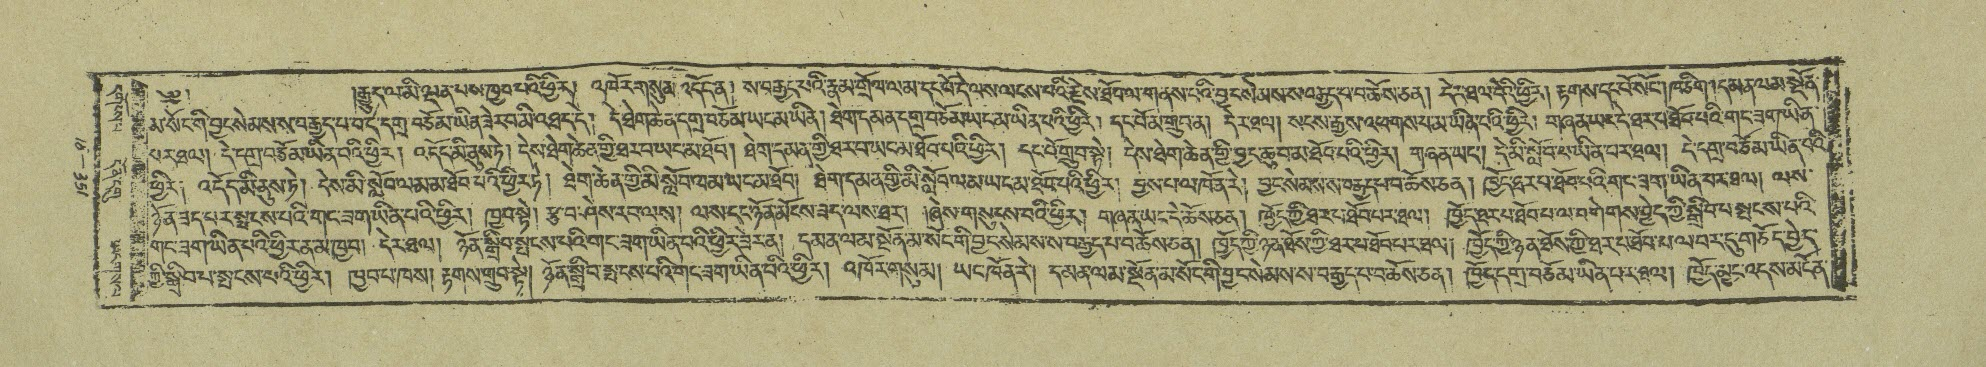༄༅། །རྒྱུད་ལ་མི་ལྡན་པས་ཁྱབ་པའི་ཕྱིར། འཁོར་གསུམ། འདོད་ན། ས་བརྒྱད་པའི་རྣམ་གྲོལ་ལམ་དང་པོ་དེ་ལས་ལངས་པའི་རྗེས་ཐོབ་ལ་གནས་པའི་བྱང་སེམས་བརྒྱད་པ་བ་ཆོས་ཅན། དེར་ཐལ་དེའི་ཕྱིར། རྟགས་དང་པོ་སོང་། ཁ་ཅིག །དམན་ལམ་སྔོན་
མ་སོང་གི་བྱང་སེམས་བརྒྱད་པ་བ་དེ་དགྲ་བཅོམ་ཡིན་ཟེར་བ་མི་འཐད་དེ། དེ་ཐེག་ཆེན་དགྲ་བཅོམ་ཡང་མ་ཡིན། ཐེག་དམན་དགྲ་བཅོམ་ཡང་མ་ཡིན་པའི་ཕྱིར། དང་པོ་མ་གྲུབ་ན། དེར་ཐལ། སངས་རྒྱས་འཕགས་པ་མ་ཡིན་པའི་ཕྱིར། གཞན་ཡང་དེ་ཐར་པ་ཐོབ་པའི་གང་ཟག་ཡིན་
པར་ཐལ། དེ་དགྲ་བཅོམ་ཡིན་པའི་ཕྱིར། འདོད་མི་ནུས་ཏེ། དེས་ཐེག་ཆེན་གྱི་ཐར་པ་ཡང་མ་ཐོབ། ཐེག་དམན་གྱི་ཐར་པ་ཡང་མ་ཐོབ་པའི་ཕྱིར། དང་པོ་གྲུབ་སྟེ། དེས་ཐེག་ཆེན་གྱི་བྱང་ཆུབ་མ་ཐོབ་པའི་ཕྱིར། གཞན་ཡང་། དེ་མི་སློབ་པ་ཡིན་པར་ཐལ། དེ་དགྲ་བཅོམ་ཡིན་པའི་
ཕྱིར། འདོད་མི་ནུས་ཏེ། དེས་མི་སློབ་ལམ་མ་ཐོབ་པའི་ཕྱིར་ཏེ། ཐེག་ཆེན་གྱི་མི་སློབ་ལམ་ཡང་མ་ཐོབ། ཐེག་དམན་གྱི་མི་སློབ་ལམ་ཡང་མ་ཐོབ་པའི་ཕྱིར། བྱས་པ་ལ་ཁོ་ན་རེ། བྱང་སེམས་ས་བརྒྱད་པ་བ་ཆོས་ཅན། ཁྱོད་ཐར་པ་ཐོབ་པའི་གང་ཟག་ཡིན་པར་ཐལ། ལས་
ཉོན་ཟད་པར་སྤངས་པའི་གང་ཟག་ཡིན་པའི་ཕྱིར། ཁྱབ་སྟེ། རྩ་བ་ཤེས་རབ་ལས། ལས་དང་ཉོན་མོངས་ཟད་ལས་ཐར། །ཞེས་གསུངས་པའི་ཕྱིར། གཞན་ཡང་དེ་ཆོས་ཅན། ཁྱོད་ཀྱི་ཐར་པ་ཐོབ་པར་ཐལ། ཁྱོད་ཐར་པ་ཐོབ་པ་ལ་བགེགས་བྱེད་ཀྱི་སྒྲིབ་པ་སྤངས་པའི་
གང་ཟག་ཡིན་པའི་ཕྱིར་ན་མ་ཁྱབ། དེར་ཐལ། ཉོན་སྒྲིབ་སྤངས་པའི་གང་ཟག་ཡིན་པའི་ཕྱིར་ཟེར་ན། དམན་ལམ་སྔོན་མ་སོང་གི་བྱང་སེམས་ས་བརྒྱད་པ་བ་ཆོས་ཅན། ཁྱོད་ཀྱི་ཉན་ཐོས་ཀྱི་ཐར་པ་ཐོབ་པར་ཐལ། ཁྱོད་ཀྱི་ཉན་ཐོས་ཀྱི་ཐར་པ་ཐོབ་པ་ལ་བར་དུ་གཅོད་བྱེད་
ཀྱི་སྒྲིབ་པ་སྤངས་པའི་ཕྱིར། ཁྱབ་པ་ཁས། རྟགས་གྲུབ་སྟེ། ཉོན་སྒྲིབ་སྤངས་པའི་གང་ཟག་ཡིན་པའི་ཕྱིར། འཁོར་གསུམ། ཡང་ཁོ་ན་རེ། དམན་ལམ་སྔོན་མ་སོང་གི་བྱང་སེམས་ས་བརྒྱད་པ་བ་ཆོས་ཅན། ཁྱོད་དགྲ་བཅོམ་ཡིན་པར་ཐལ། ཁྱོད་མྱང་འདས་མངོན་